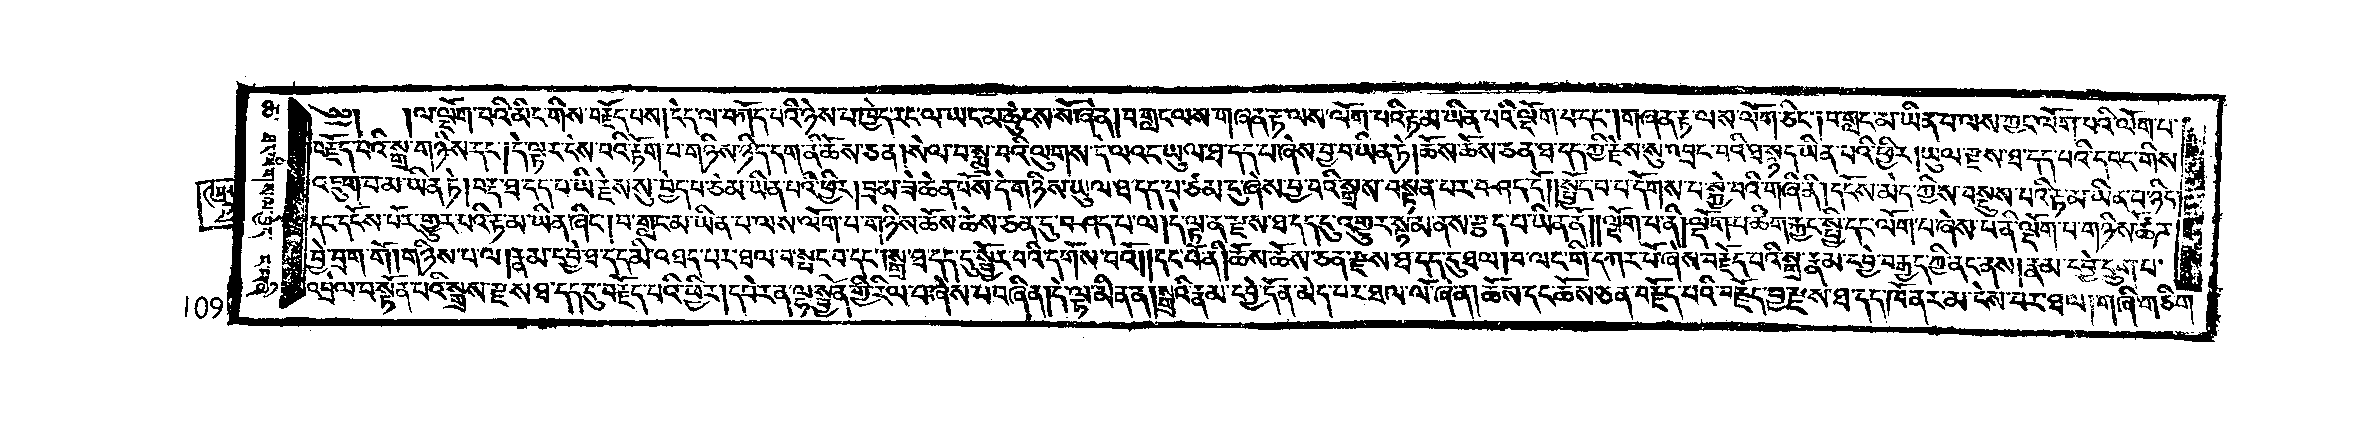༄༅། །ལ་ལྡོག་པའི་མིང་གིས་བརྗོད་པས། ངེད་ལ་བཀོད་པའི་ཉེས་པ་ཁྱེད་རང་ལ་ཡང་མཚུངས་སོ་ཞེ་ན། བ་གླང་ལས་གཞན་རྟ་ལས་ལོག་པའི་རྟ་མ་ཡིན་པའི་ལྡོག་པ་དང་། གཞན་རྟ་ལས་ལོག་ཅིང་། བ་གླང་མ་ཡིན་པ་ལས་ཀྱང་ལོག་པའི་ལོག་པ་
བརྗོད་པའི་སྒྲ་གཉིས་དང་། དེ་ལྟར་ངེས་པའི་རྟོག་པ་གཉིས་ཉིད་དག་ནི་ཆོས་ཅན། སེལ་བ་སྨྲ་བའི་ལུགས་དེ་ལའང་ཡུལ་ཐ་དད་པ་ཞེས་བྱ་བ་ཡིན་ཏེ། ཆོས་ཆོས་ཅན་ཐ་དད་ཀྱི་རྗེས་སུ་འབྲང་བའི་ཐ་སྙད་ཡིན་པའི་ཕྱིར། ཡུལ་རྫས་ཐ་དད་པའི་དབང་གིས་
འཇུག་པ་མ་ཡིན་ཏེ། བརྡ་ཐ་དད་པ་ཡི་རྗེས་སུ་བྱེད་པ་ཙམ་ཡིན་པའི་ཕྱིར། བྲམ་ཟེ་ཆེན་པོས་དེ་གཉིས་ཡུལ་ཐ་དད་པ་ཙམ་དུ་ཞེས་བྱ་བའི་སྒྲས་བསྟན་པར་བཤད་དོ། །སྤྱོད་པ་པོ་དོགས་པ་སྐྱེ་བའི་གཞི་ནི། དངོས་མེད་ཀྱིས་བསྡུས་པའི་རྟ་མ་ཡིན་པ་ཉིད་
དང་དངོས་པོར་གྱུར་པའི་རྟ་མ་ཡིན་ཞིང་། བ་གླང་མ་ཡིན་པ་ལས་ལོག་པ་གཉིས་ཆོས་ཆོས་ཅན་དུ་བཤད་པ་ལ། དེ་ལྟ་ན་རྫས་ཐ་དད་དུ་འགྱུར་སྙམ་ནས་རྩད་པ་ཡིན་ནོ། །ལྡོག་པ་ནི། ལྡོག་པ་ཚིག་རྐྱང་སྤྱི་དང་ལོག་པ་ཞེས་པ་ནི་ལྡོག་པ་གཉིས་ཚོགས་
བྱེ་བྲག་གོ། གཉིས་པ་ལ། རྣམ་དབྱེ་ཐ་དད་མི་འཐད་པར་ཐལ་བ་སྤང་བ་དང་། སྒྲ་ཐ་དད་དུ་སྦྱོར་བའི་དགོས་པའོ། །དང་པོ་ནི། ཆོས་ཆོས་ཅན་རྫས་ཐ་དད་དུ་ཐལ། བ་ལང་གི་དཀར་པོ་ཞེས་བརྗོད་པའི་སྒྲ་རྣམ་དབྱེ་བརྒྱད་ཀྱི་ནང་ནས། རྣམ་དབྱེ་དྲུག་པ་
འབྲེལ་བ་སྟོན་པའི་སྒྲས་རྫས་ཐ་དད་དུ་བརྗོད་པའི་ཕྱིར། དཔེར་ན་ལྷ་སྦྱོན་གྱི་རིལ་པ་ཞེས་པ་བཞིན། དེ་ལྟ་མིན་ན། སྒྲའི་རྣམ་དབྱེ་དོན་མེད་པར་ཐལ་ལོ་ཞེ་ན། ཆོས་དང་ཆོས་ཅན་བརྗོད་པའི་བརྗོད་བྱ་རྫས་ཐ་དད་ཁོ་ནར་མ་ངེས་པར་ཐལ། གཞི་གཅིག་